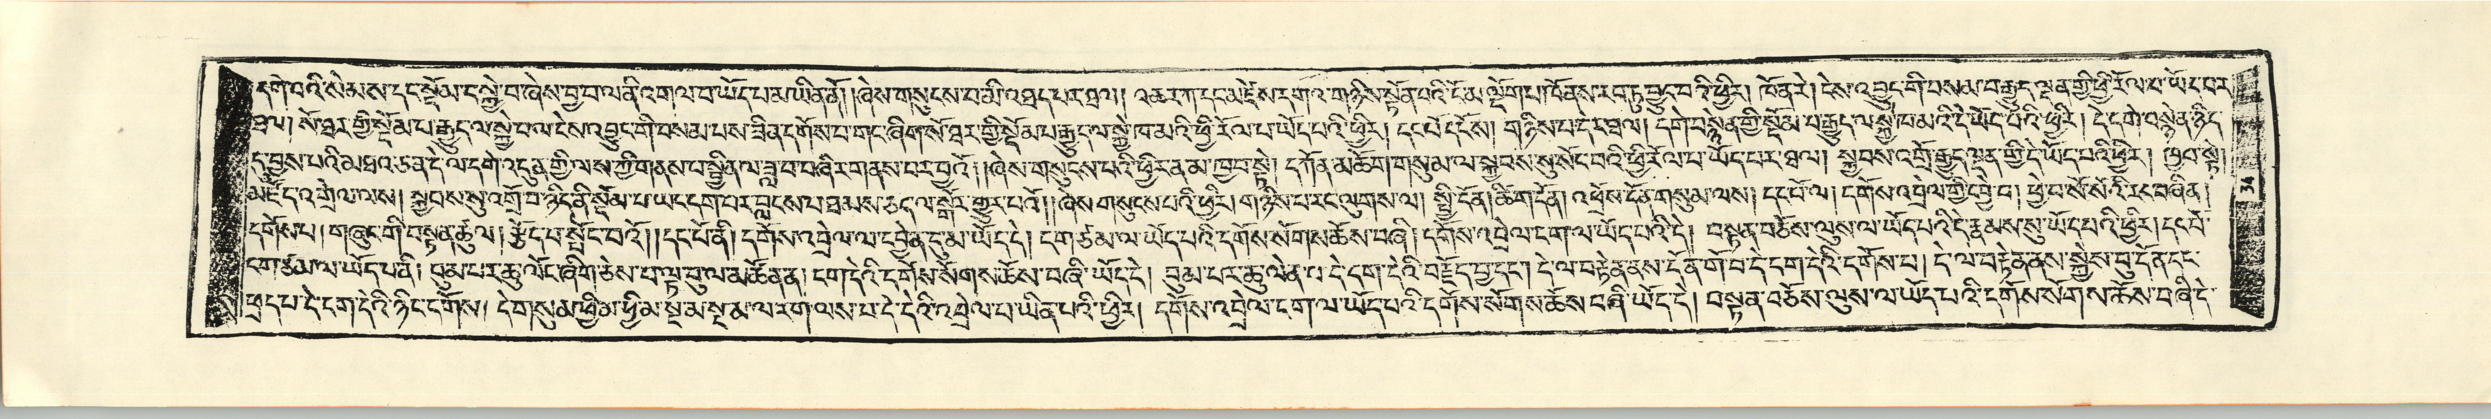དགེ་བའི་སེམས་དང་སྡོམ་ང་སྐྱེ་བ་ཞེས་བྱ་བ་ལ་ནི་འགལ་བ་ཡོད་པ་མ་ཡིན་ནོ། །ཞེས་གསུངས་པ་མི་འཐད་པར་ཐལ། འཆར་ཀ་དང་མཛེས་དགའ་གཉིས་སྟོན་པའི་ངོ་མ་ལྡོག་པ་ཁོ་ནས་རབ་ཏུ་བྱུང་བའི་ཕྱིར། ཁོ་ན་རེ། ངེས་འབྱུང་གི་བསམ་བརྒྱུད་ལྡན་གྱི་ཕྱི་རོལ་བ་ཡོད་པར་
ཐལ། སོ་ཐར་གྱི་སྡོམ་པ་རྒྱུད་ལ་སྐྱེ་བ་ལ་ངེས་འབྱུང་གི་བསམ་པས་ཟིན་དགོས་པ་གང་ཞིག་སོ་ཐར་གྱི་སྡོམ་པ་རྒྱུད་ལ་སྐྱེ་ཁ་མའི་ཕྱི་རོལ་པ་ཡོད་པའི་ཕྱིར། དང་པོ་དངོས། གཉིས་པ་དེར་ཐལ། དགེ་བསྙེན་གྱི་སྡོམ་པ་རྒྱུད་ལ་སྐྱེ་ཁ་མའི་དེ་ཡོད་པའི་ཕྱིར། དེ་དགེ་བསྙེན་ཉིད་
དུ་བྱས་པའི་མཐའ་ཅན་དེ་ལ་དགེ་འདུན་གྱི་ལས་ཀྱི་གནས་པ་སྦྱིན་ལ་ཟླ་བ་བཞིར་གནས་པར་བྱའོ། །ཞེས་གསུངས་པའི་ཕྱིར་ན་མ་ཁྱབ་སྟེ། དཀོན་མཆོག་གསུམ་ལ་སྐྱབས་སུ་སོང་བའི་ཕྱིར་རོལ་པ་ཡོད་པར་ཐལ། སྐྱབས་འགྲོ་རྒྱུད་ལྡན་གྱི་དེ་ཡོད་པའི་ཕྱིར། ཁྱབ་སྟེ།
མཛོད་འགྲེལ་ལས། སྐྱབས་སུ་འགྲོ་བ་ཉིད་ནི་སྡོམ་པ་ཡང་དག་པར་བླངས་པ་ཐམས་ཅད་ལ་སྒོར་གྱུར་པའོ། །ཞེས་གསུངས་པའི་ཕྱིར། གཉིས་པ་རང་ལུགས་ལ། སྤྱི་དོན། ཚིག་དོན། འཕྲོས་དོན་གསུམ་ལས། དང་པོ་ལ། དགོས་འབྲེལ་གྱི་དབྱེ་བ། ཕྱེ་བ་སོ་སོའི་རང་བཞིན།
དགོས་པ། གཞུང་གི་བསྟན་ཚུལ། རྩོད་པ་སྤོང་བའོ། །དང་པོ་ནི། དགོས་འབྲེལ་ལ་དབྱེ་ན་དུ་མ་ཡོད་དེ། ངག་ཙམ་ལ་ཡོད་པའི་དགོས་སོགས་ཆོས་བཞི། དགོས་འབྲེལ་ངག་ལ་ཡོད་པའི་དེ། བསྟན་བཅོས་ལུས་ལ་ཡོད་པའི་དེ་རྣམས་སུ་ཡོད་པའི་ཕྱིར། དང་པོ་
ངག་ཙམ་ལ་ཡོད་པ་ནི། བུམ་པར་ཆུ་ལོང་ཞིག་ཅེས་པ་ལྟ་བུ་ལ་མཚོན་ན། ངག་དེའི་དགོས་སོགས་ཆོས་བཞི་ཡོད་དེ། བུམ་པར་ཆུ་ལེན་པ་དེ་དག་དེའི་བརྗོད་བྱ་དང་། དེ་ལ་བརྟེན་ནས་དོན་གོ་བ་དེ་དག་དེའི་དགོས་པ། དེ་ལ་བརྟེན་ནས་སྐྱེས་བུ་དོན་དང་
ཕྲད་པ་དེ་ངག་དེའི་ཉིད་དགོས། དེ་གསུམ་ཕྱི་མ་ཕྱི་མ་སྔ་མ་སྔ་མ་ལ་རག་ལས་པ་དེ་དེའི་འབྲེལ་པ་ཡིན་པའི་ཕྱིར། དགོས་འབྲེལ་ངག་ལ་ཡོད་པའི་དགོས་སོགས་ཆོས་བཞི་ཡོད་དེ། བསྟན་བཅོས་ལུས་ལ་ཡོད་པའི་དགོས་སོགས་ཆོས་བཞི་དེ་